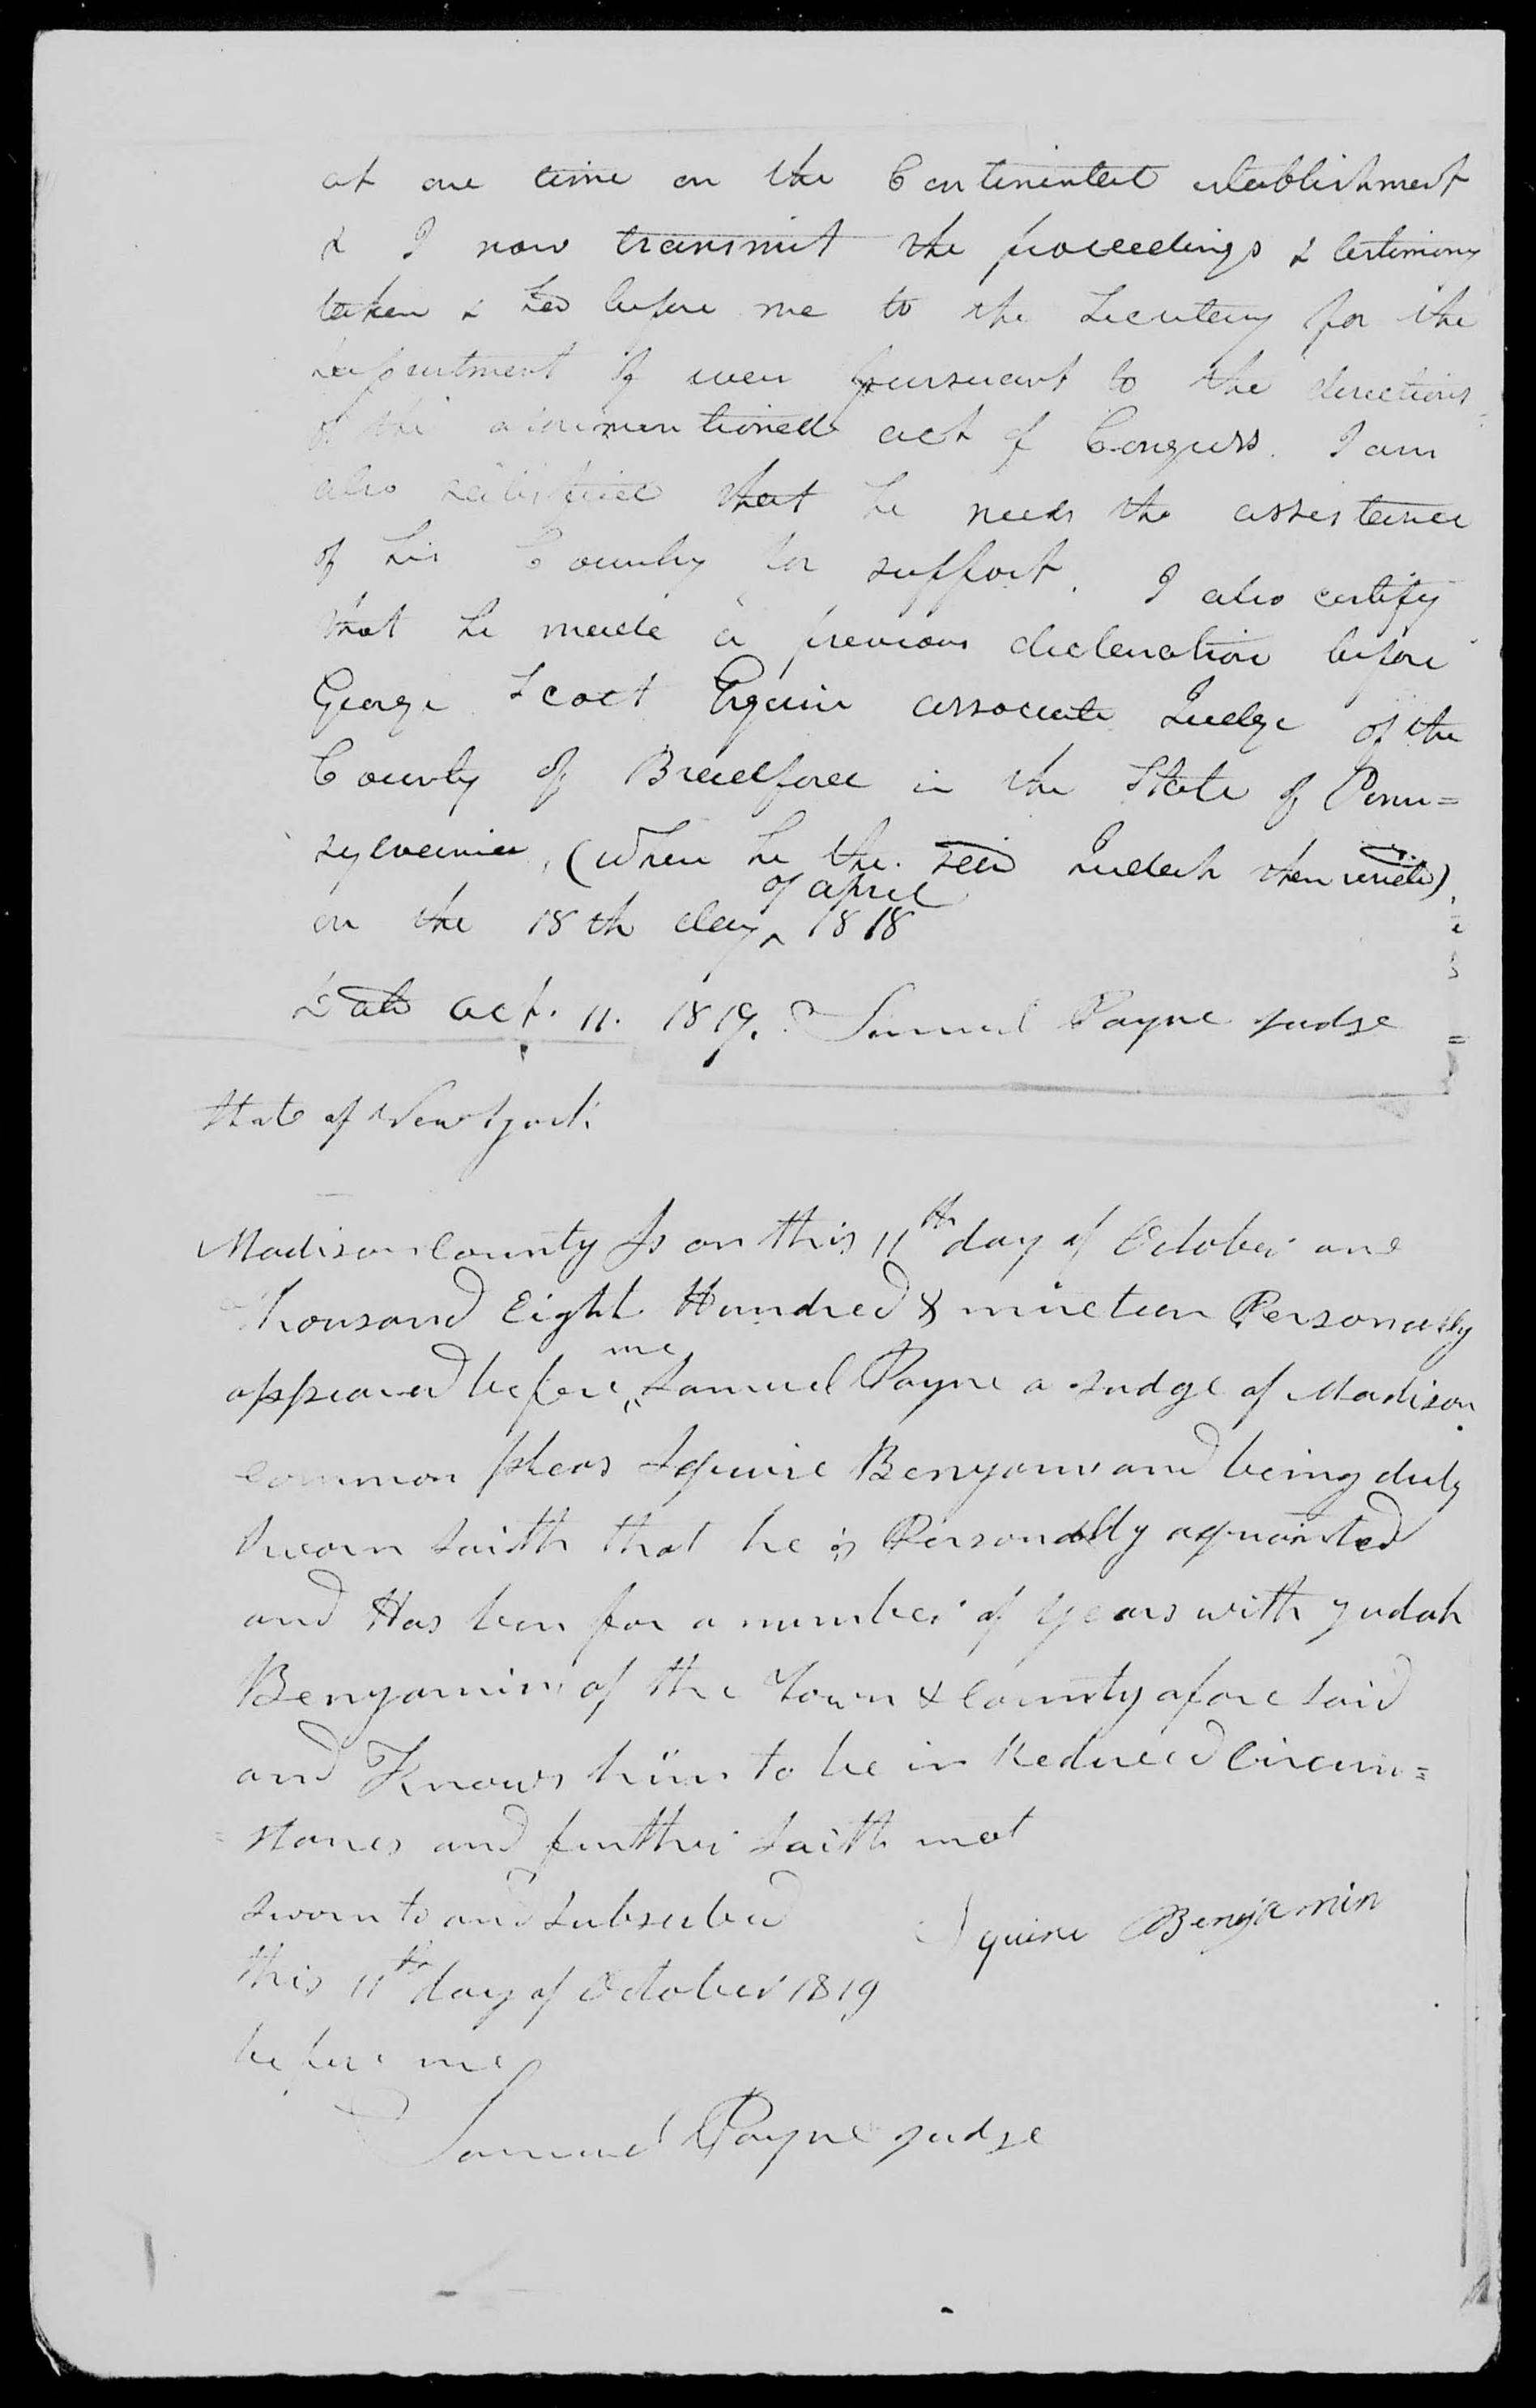at one time in the Continental establishment & I now transmit the proceedings & testimony taken & had before me to the Secretary for the Department of war pursuant to the directions of the aforementioned act of Congress.  I am also satisfied that he needs the assistance of his Country for support.  I also certify  that he made a previous declaration before George Scott Esquire associate Judge of the County of Bradford in the State of Pennsylvania, (where he the said Judah then resided) on the 18th day of April 1818.
Date Oct. 11, 1819. [signed] Samuel Payne Judge

State of New York
Madison County ss   On this 11th day of October one thousand Eight Hundred & nineteen Personally appeared before me Samuel Payne a Judge of Madison common pleas Squire Benjamin and being duly sworn saith that he is personally acquainted and has been for a number of years with Judah Benjamin of the Town & County aforesaid and knows him to be in reduced circumstances and further saith not
[signed] Squire Benjamin
Sworn to and subscribed this 11th day of October 1819
before me [signed] Samuel Payne Judge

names: Judah, Samuel Payne, Squire Benjamin, Samuel Payne, Judah Benjamin, George Scott, Samuel Payne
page: 9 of 34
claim: survivor's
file: S. 39981, Judah Benjamin, Continental (N. H. And N. Y.)